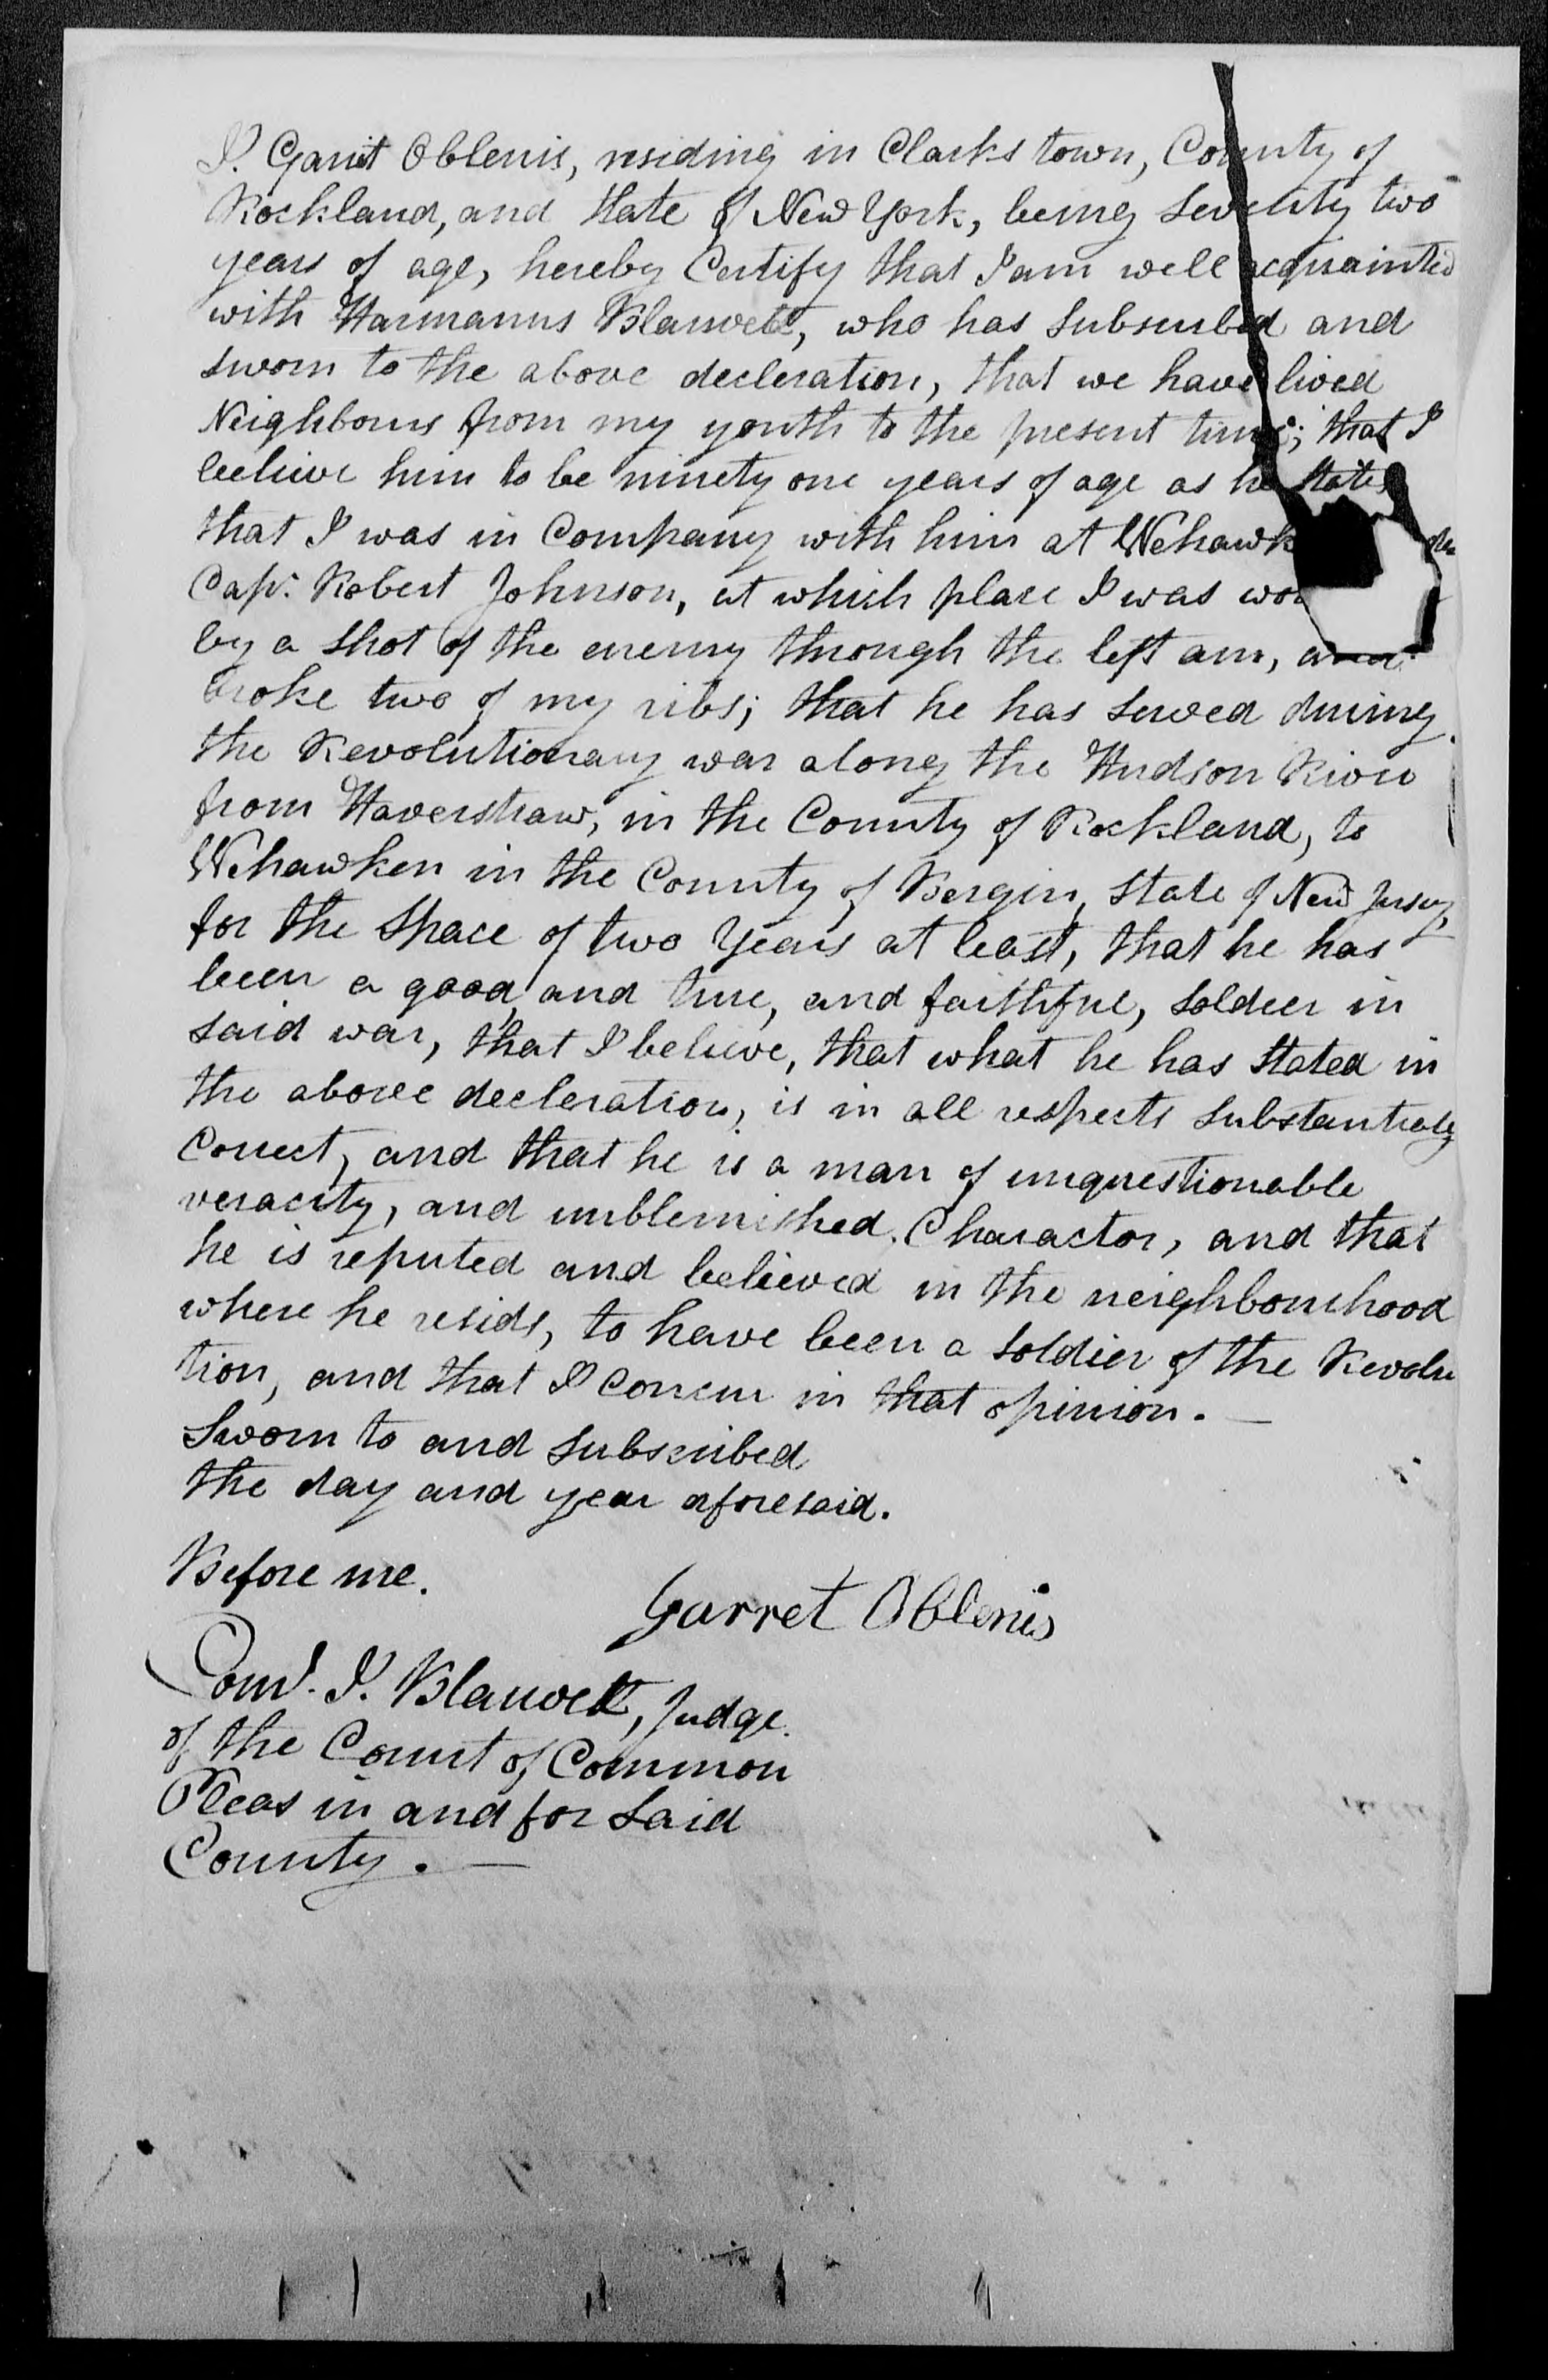I, Garrit Oblenis, residing in Clarkstown, County of Rockland, and State of New York, being seventy two years of age, hereby Certify that I am well acquainted with Harmanus Blauvelt, who has subscribed and sworn to the above declaration, that we have lived neighbours from my youth to the present time; that I believe him to by ninety one years of age as he states that I was in Company with him at Wehawken [damaged] Capt. Robert Johnson, at which place I was wounded by a shot of the enemy through the left arm, and broke two of my ribs; that he has served during the Revolutionary war along the Hudson River from Haverstraw, in the County of Rockland, to Wehawken in the County of Bergin, State of New Jersey, for the space of two Years at least, that he has been a good and true, and faithful, soldier in said war, that I believe, that what he has stated in the above declaration, is in all respects substantially correct, and that he is a man of unquestionable veracity, and unblemished Character, and that he is reputed and believed in the neighbourhood where he resides, to have been a Soldier of the Revolution, and that I concur in that opinion.
[signed] Garret Oblenis
Sworn to and subscribed the day and year aforesaid. Cornl' I' Blauvelt, Judge of the Court of Common Pleas in and for the said County.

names: Harmanus Blauvelt, Corns I Blauvelt, Garrit Oblenis, Garret Oblenis, Robert Johnson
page: 24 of 33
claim: survivor's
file: S. 22,653, Harmanus Blauvelt, New York